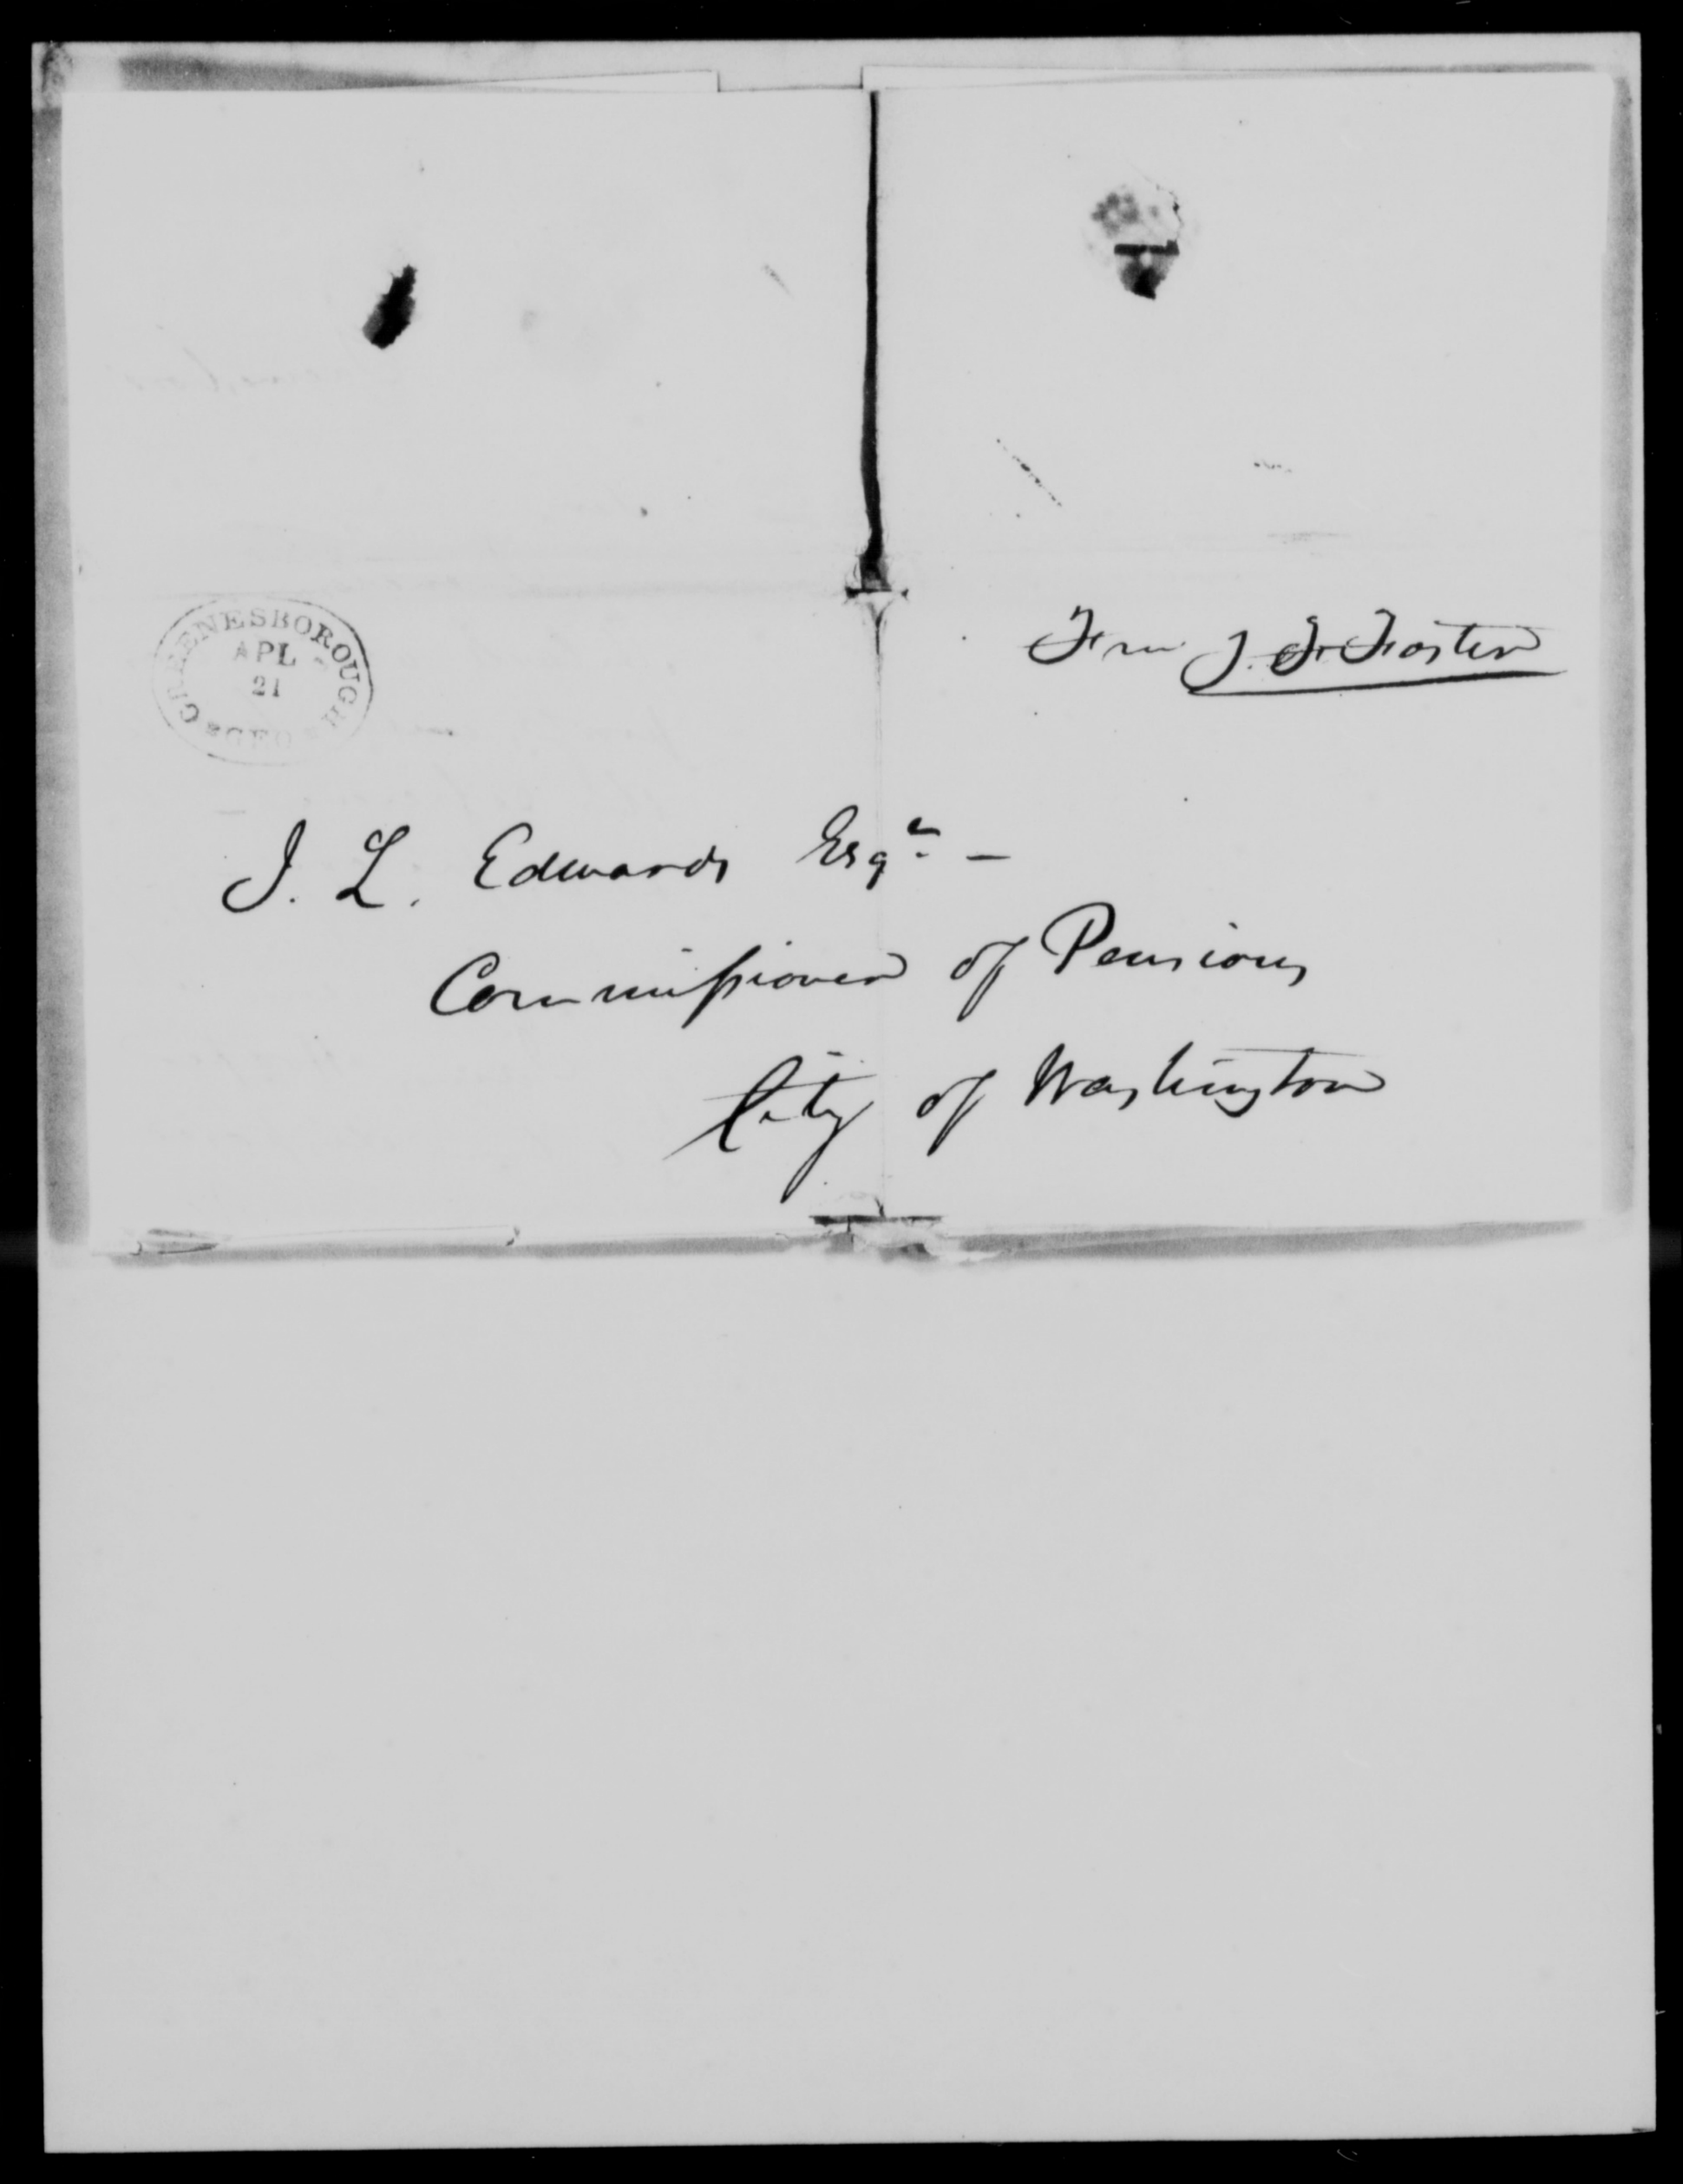From Fred T. F. Foster

J. L. Edwards Esqr
Commissioner of Pensions
City of Washington

Greenesborough Geo. APL. 21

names: T F Foster; J L Edwards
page: 25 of 25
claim: survivor's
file: S. 31,993, for Jacob Stillwell, North Carolina